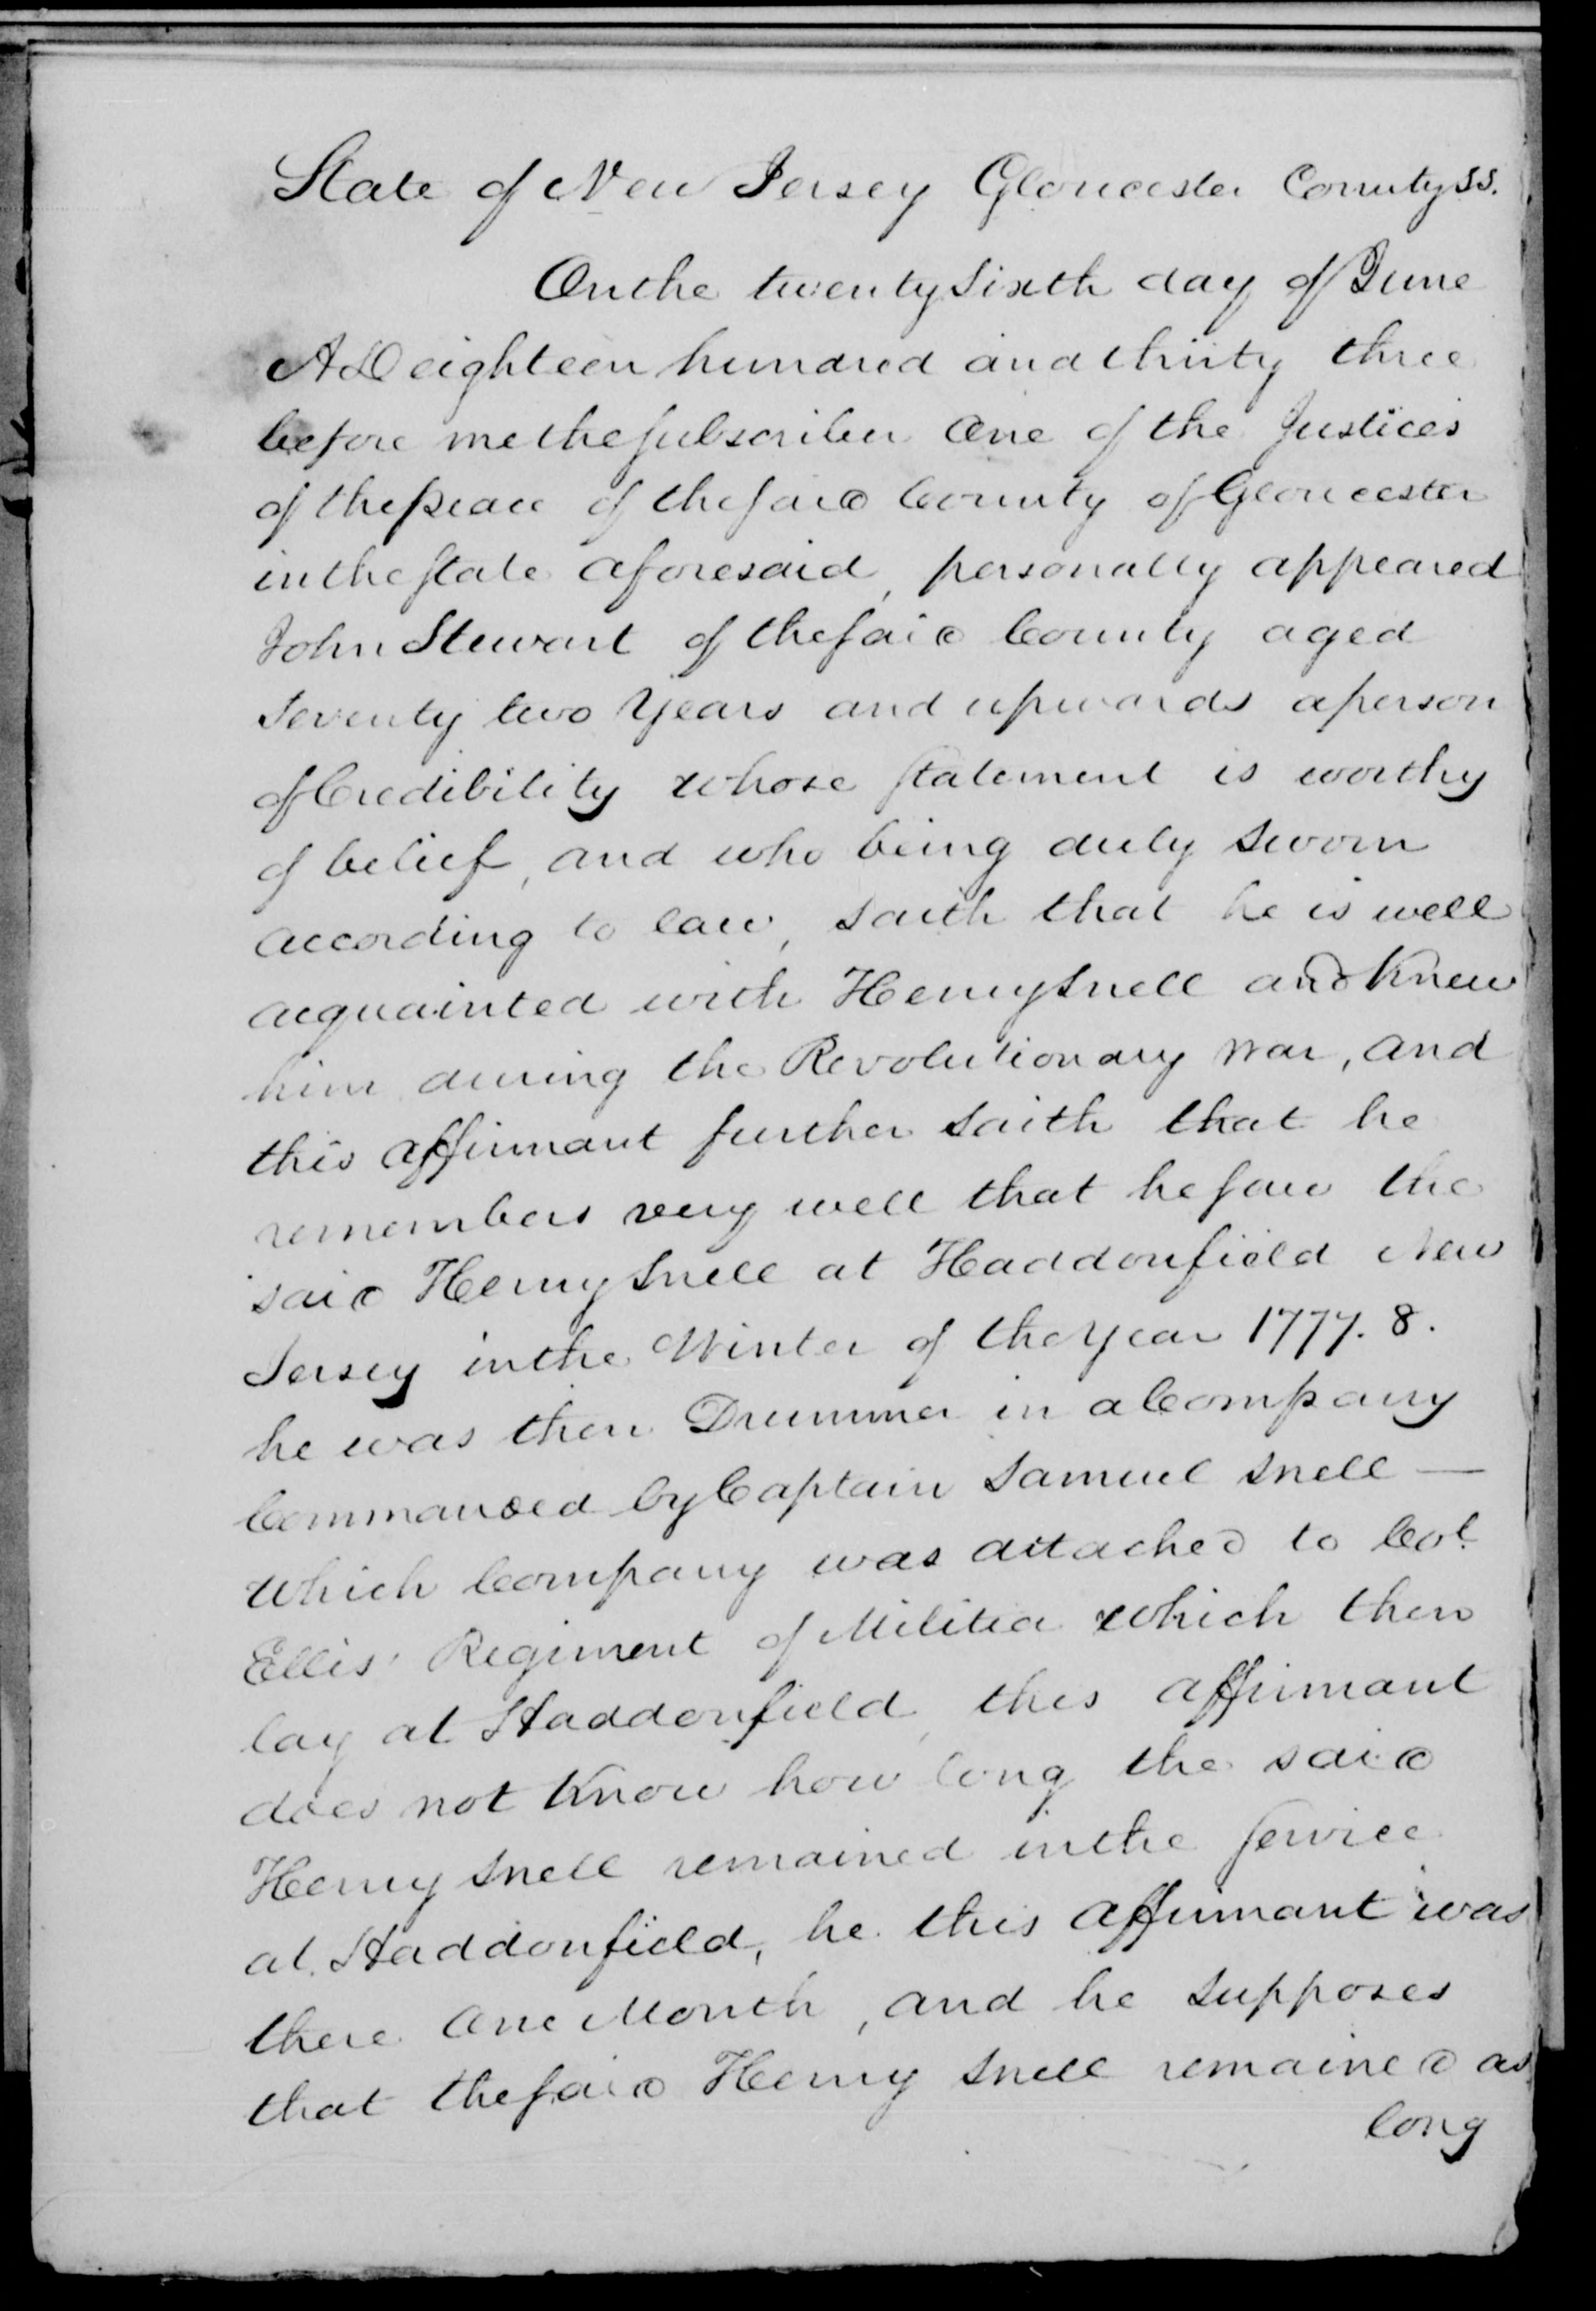State of New Jersey Gloucester County

On the twenty sixth day of June A D eighteen hundred and thirty three before me the subscriber one of the Justices of the Peace of the said County of Gloucester in the state aforesaid, personally appeared John Stewart of the said County aged seventy two years and upwards a person of credibility whose statement is worthy of belief, and who being duly sworn according to the law, saith that he is well acquainted with Henry Snell and knew him during the Revolutionary war, and this affirmant further said that he remembers very well that before the said Henry Snell of Haddonfield New Jersey in the winter of the year 1777. 8. he was their Drummer in a Company Commanded by Captain Samuel Snell which Company was attached to Col. Ellis Regiment of Militia which then lay at Haddonfield, this affirmant does not know how long the said Henry Snell remained in the service at Haddonfield, he this affirmant was there one month, and he supposed that the said Henry Snell remained as long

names: Henry Snell; Henry Snell; Henry Snell; John Stewart; Samuel Snell; Henry Snell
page: 16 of 27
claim: rejected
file: R. 9,892, for Henry Snell, New Jersey